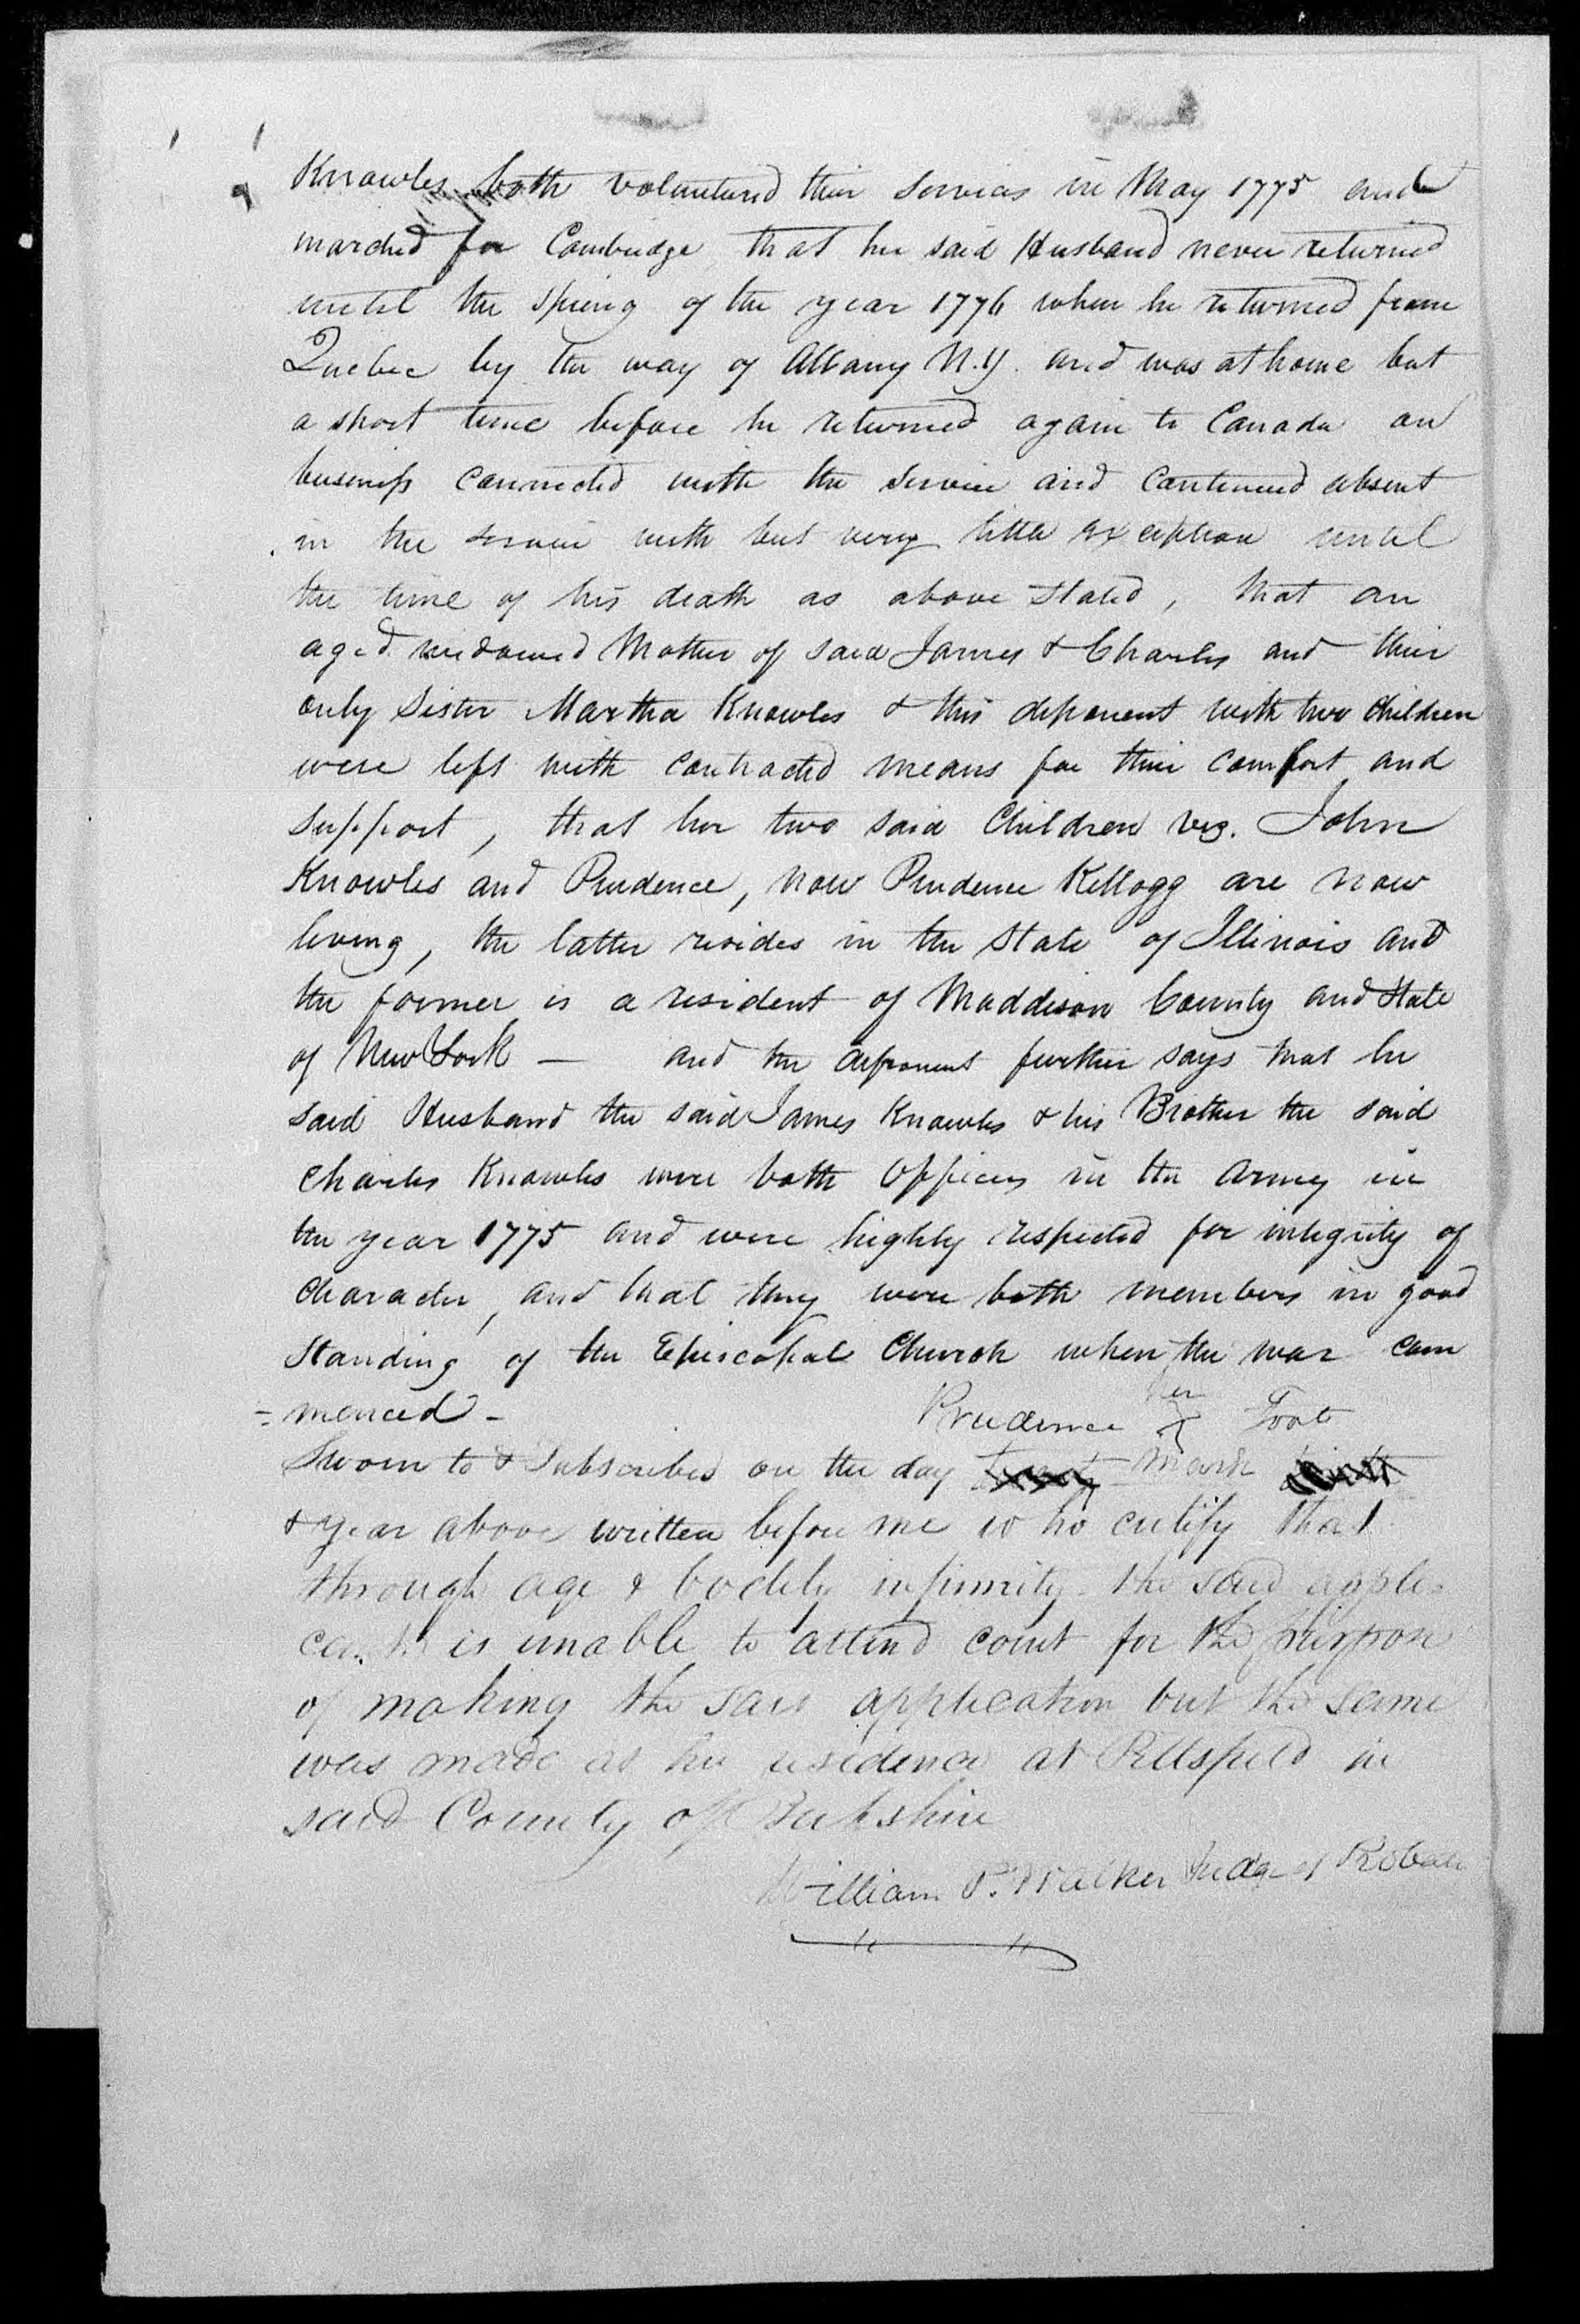Knowles both volunteered their Services in May 1775 and marched for Cambridge  That her said Husband never returned until the spring of the year 1776 when he returned from Quebec by the way of Albany N. Y. and was at home but a short time before he returned again to Canada and business connected with the Service and continued absent in the Service with but very little exception until the time of his death as above Stated, that an aged widowed Mother of said James & Charles and their only Sister Martha Knowles & this deponent with her children were left with contracted means for their comfort and support, that her two said Children viz. John Knowles and Prudence, now Prudence Kellogg are now living, the latter resides in the State of Illinois and the former is a resident of Maddison County and State of New York--and the deponent further says that her said husband the said James Knowles & his Brother the said Charles Knowles were both Officers in the Army in the year 1775 and were highly respected for integrity of character, and that they were both members in good Standing of the Episcopal Church when the war commenced--    Prudence Foot  X  her mark

Sworn to & Subscribed on the day & year above written before me who certify that through age & infirmity the said applicant is unable to attend court for the purpose of making the said application but the same was made at her residence at Pittsfield in said County of Berkshire
William P. Walker  Judge of Probate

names: William P Walker; James Knowles; Prudence Kellogg; Prudence Foot; Prudence Knowles; Charles Knowles; Martha Knowles; John Knowles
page: 7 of 60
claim: widow's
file: W. 14,036, for James Knowles, Connecticut